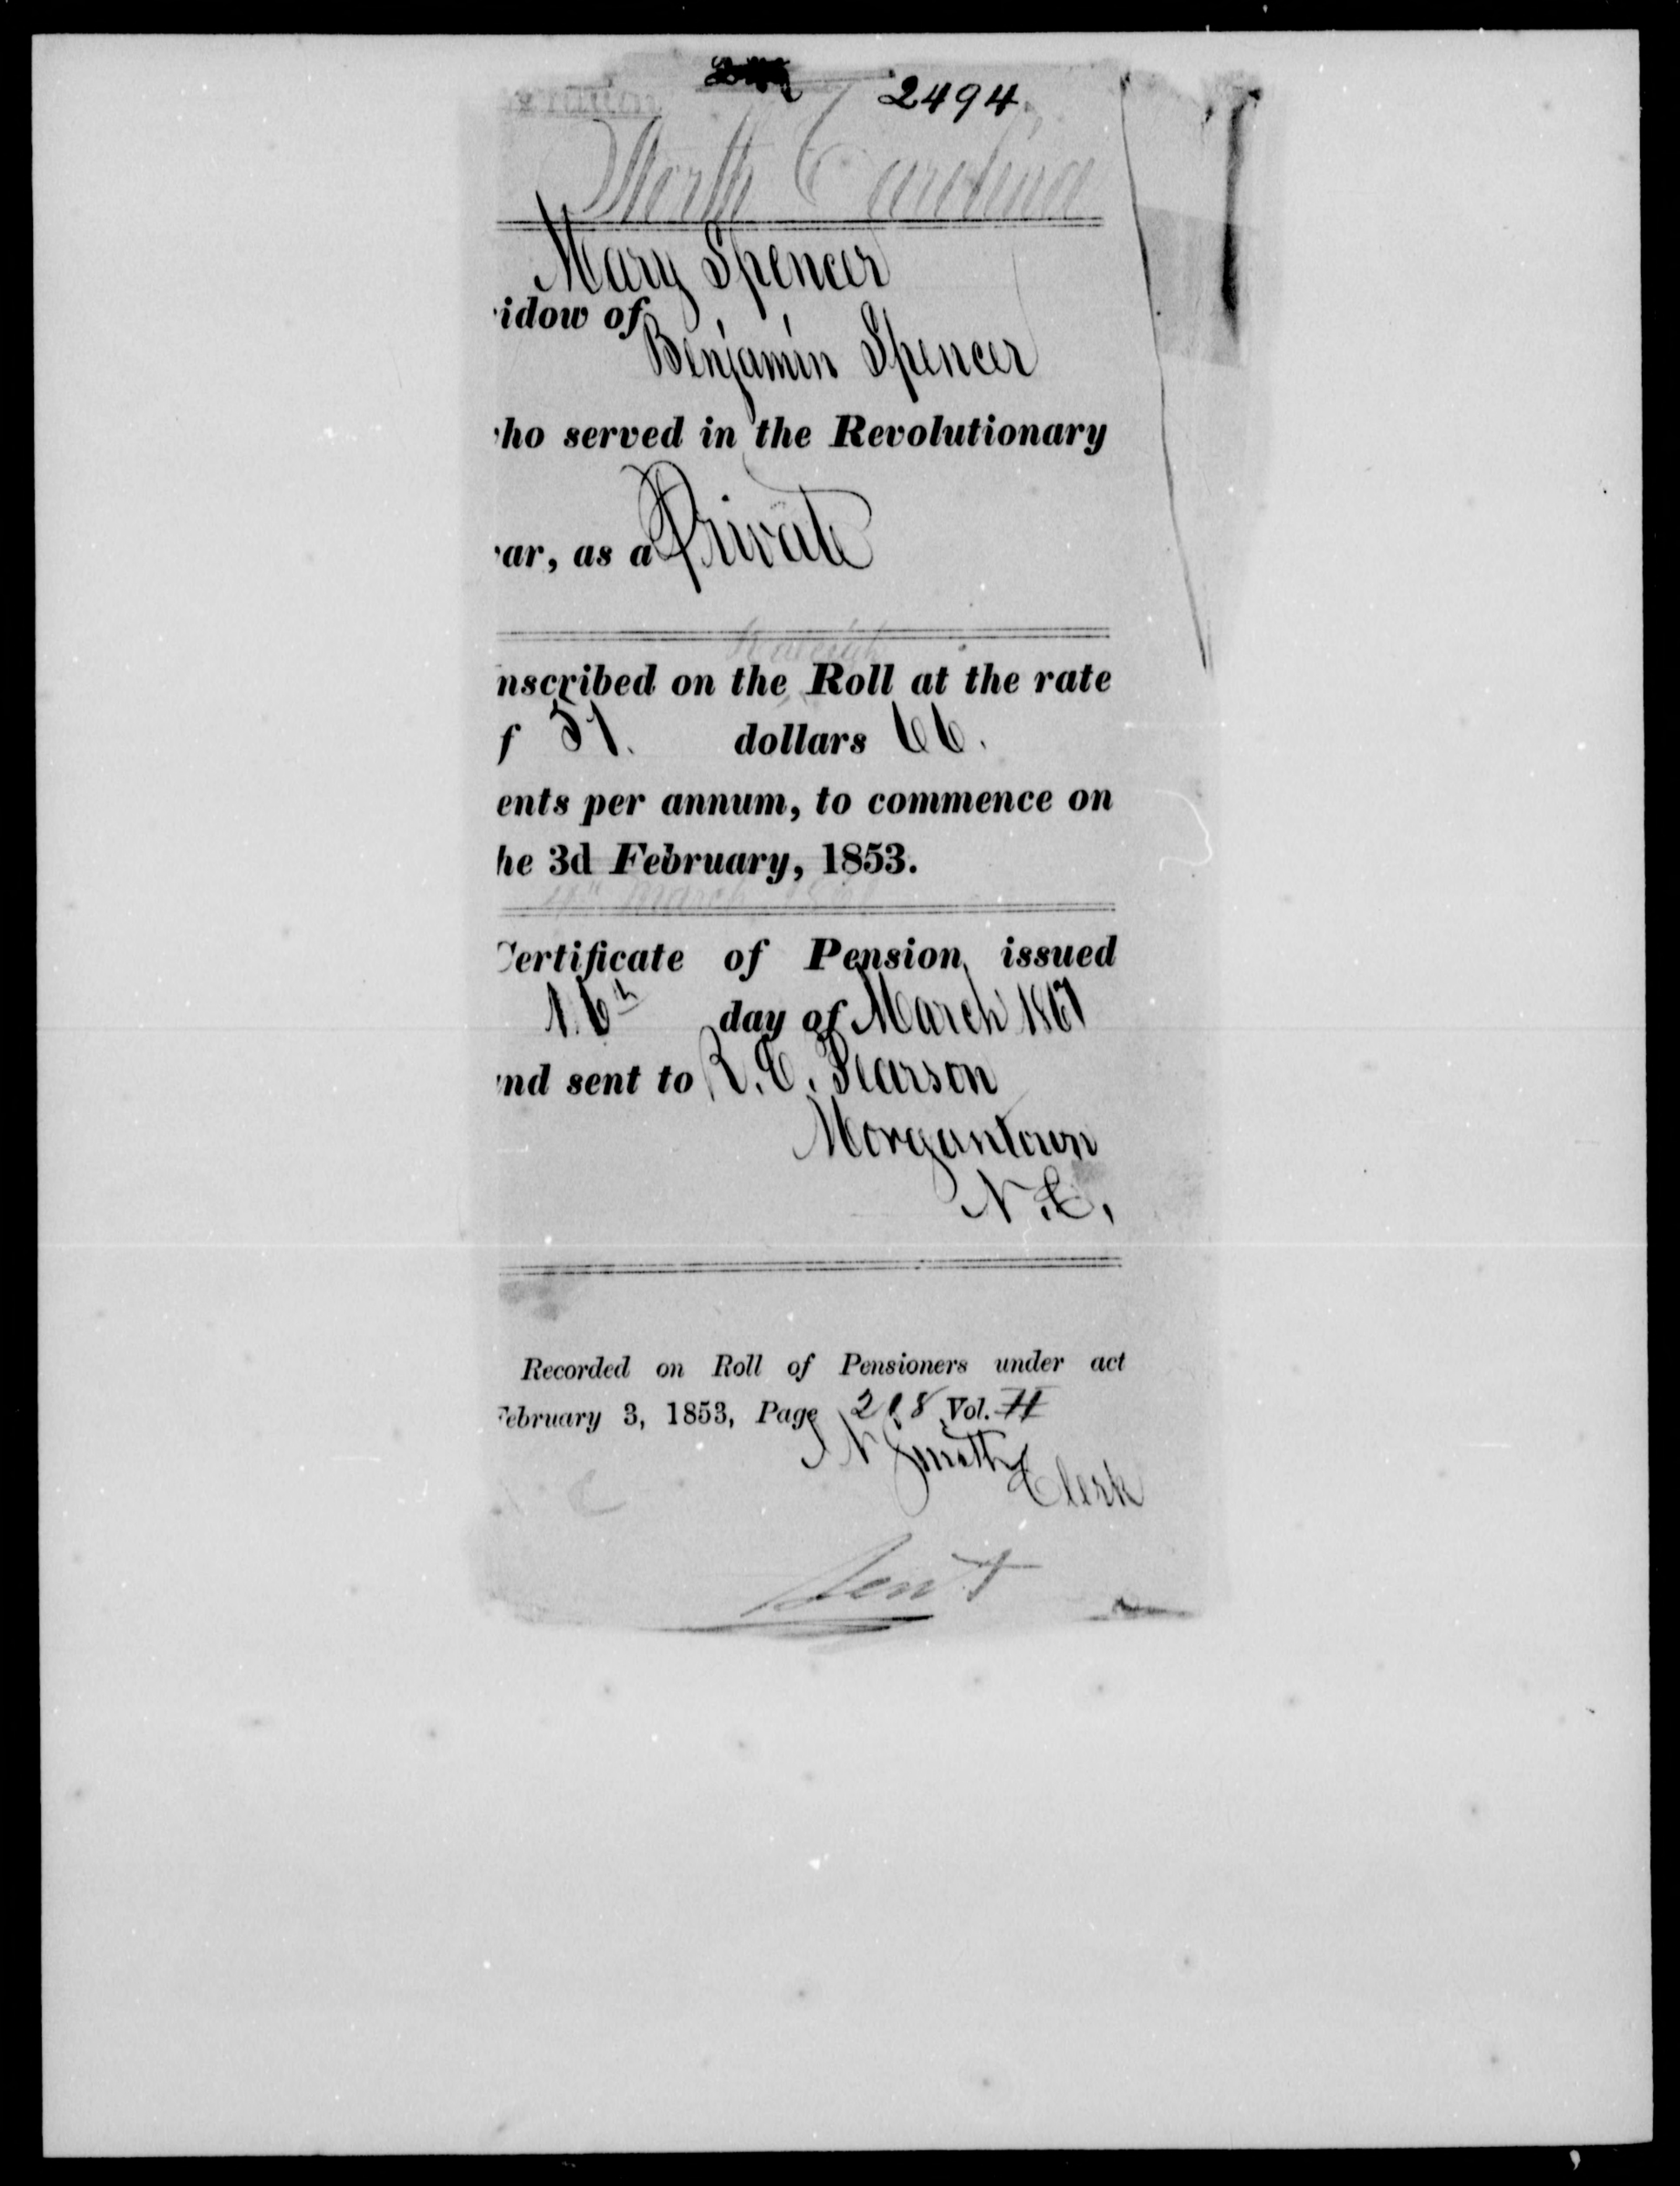2494.
North Carolina
Mary Spencer
widon of Benjamin Spencer
who served in the Revolutionary
war, as a Private
Inscribed on the Roll at the rate
51 dollars 66 cents per annum, to commence on
the 3d February, 1853.
Certificate of Pension issued
16th day of March 1867
and sent to R. C.  Pearson
Morgantown N. C. 
,
Recorded on Roll of Pensioners under act
February 3, 1853, Page 218 Vol. 11
J. N. Smith Clerk
sent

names: Mary Spencer; R C Pearson; J N Smith; Benjamin Spencer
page: 31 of 63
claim: widow's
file: W. 6158, for Benjamin Spencer, North Carolina